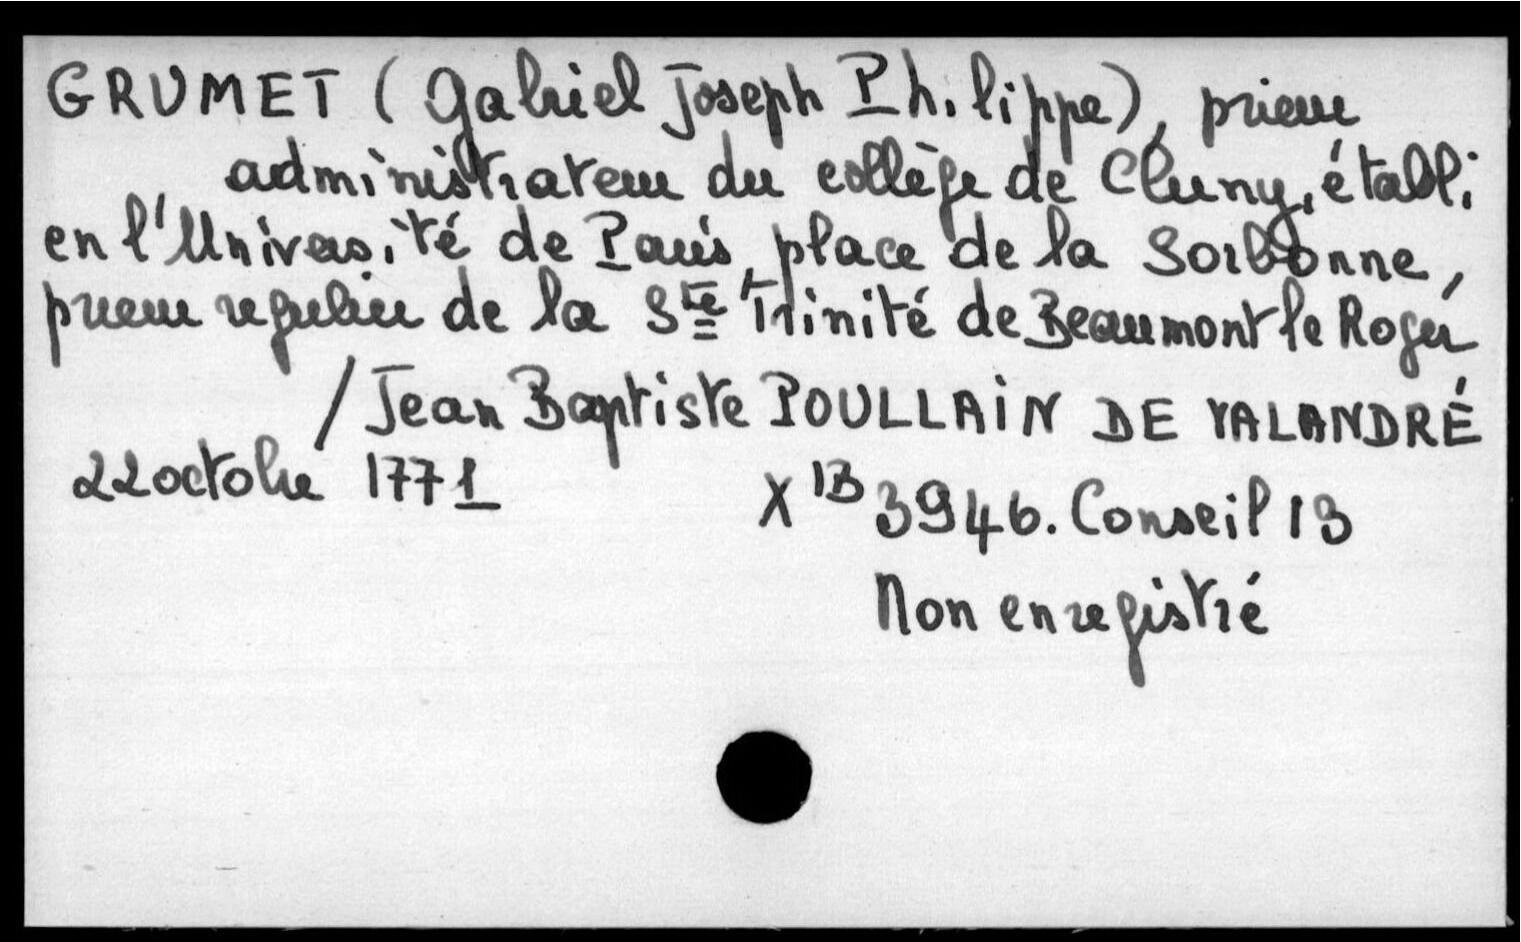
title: GRUMET (Gabriel Joseph Philippe), prieur administrateur du collège de Cluny, établi en l'Université de Paris, place de la Sorbonne, prieur régulier de la Sainte-Trinité de Beaumont le Roger
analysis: Contre Jean Baptiste POULLAIN DE VALANDRÉ
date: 22 octobre 1771
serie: X1b
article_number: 3946
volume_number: Conseil 13. Non enregistré
